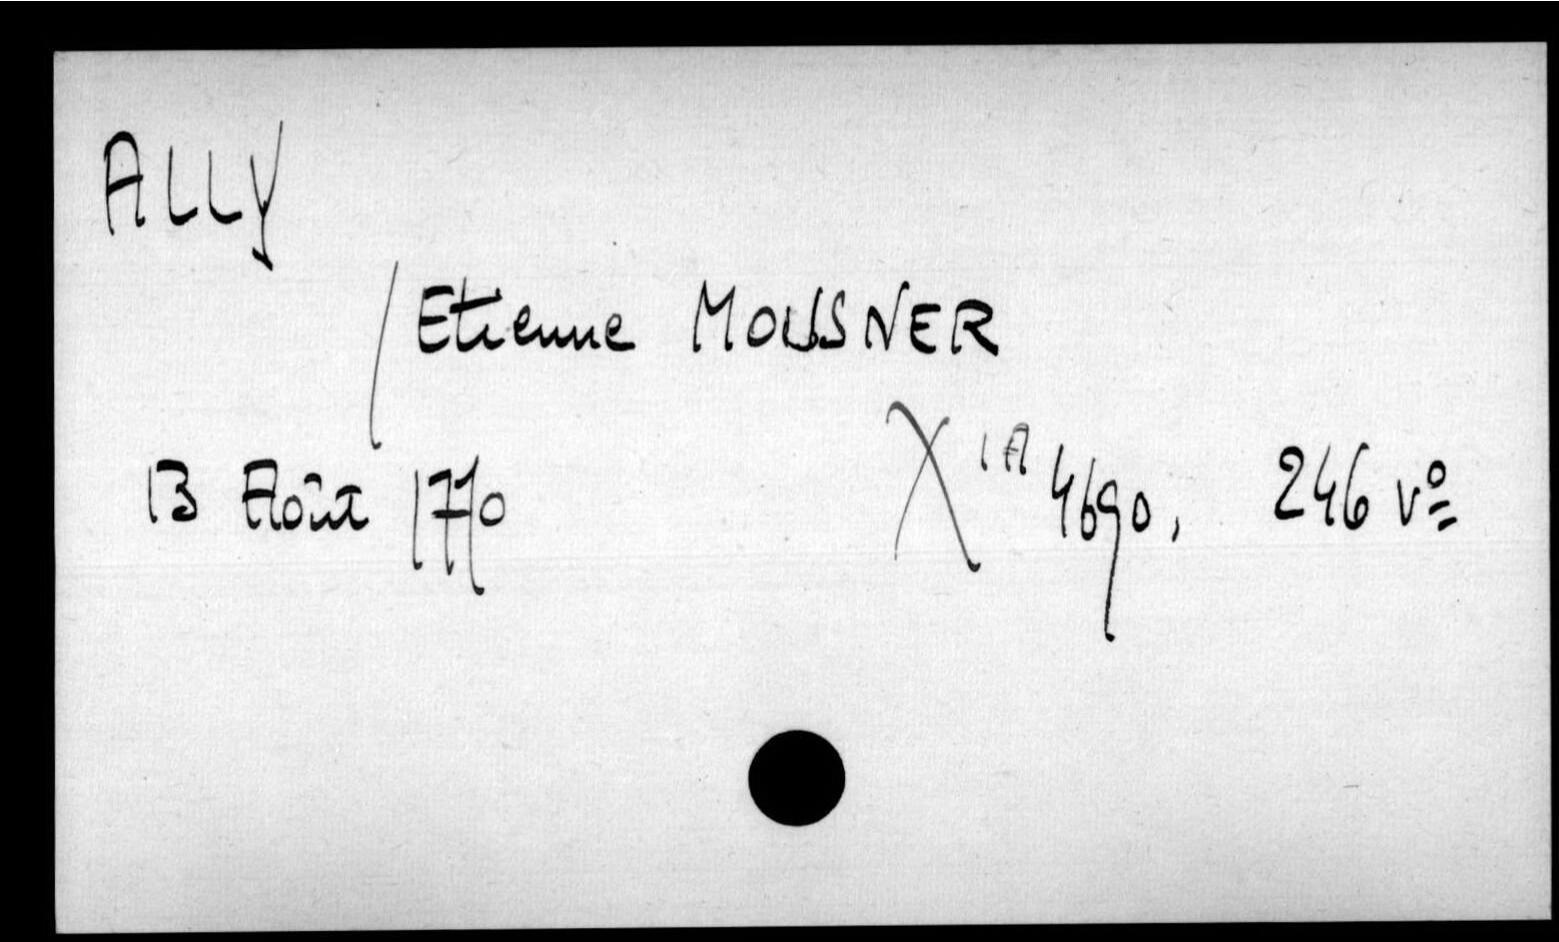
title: ALLY
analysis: Contre Etienne MOUSNER
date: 13 août 1770
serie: X1A
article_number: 4690
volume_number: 246v°
